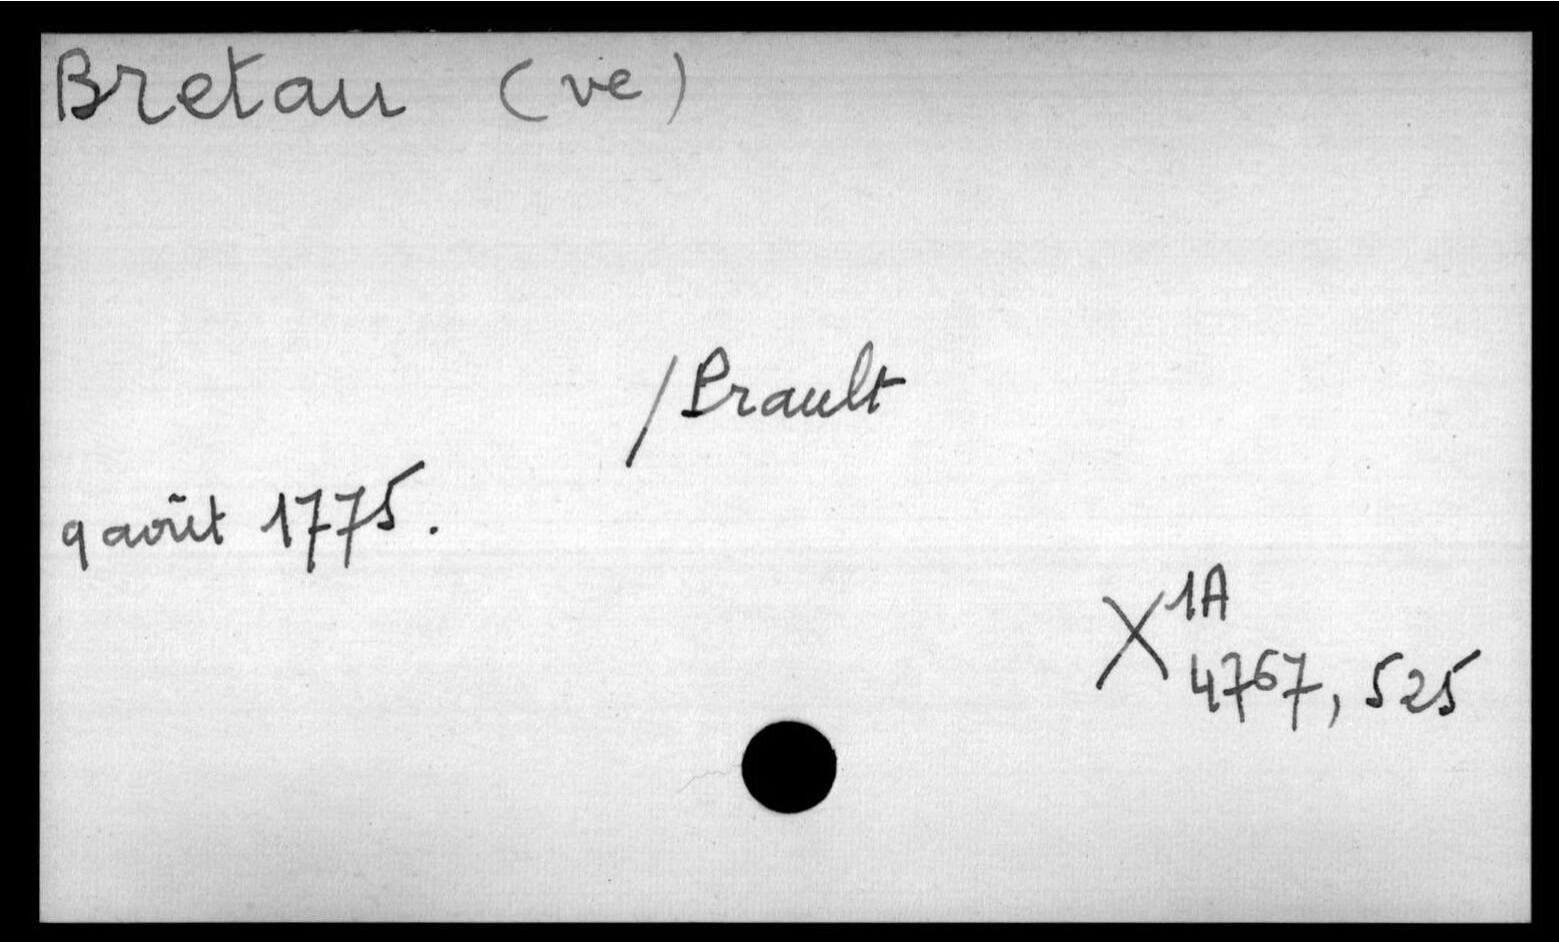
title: BRETAU (veuve)
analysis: Contre Prault
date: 9 août 1775
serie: X1A
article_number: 4767
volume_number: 525
